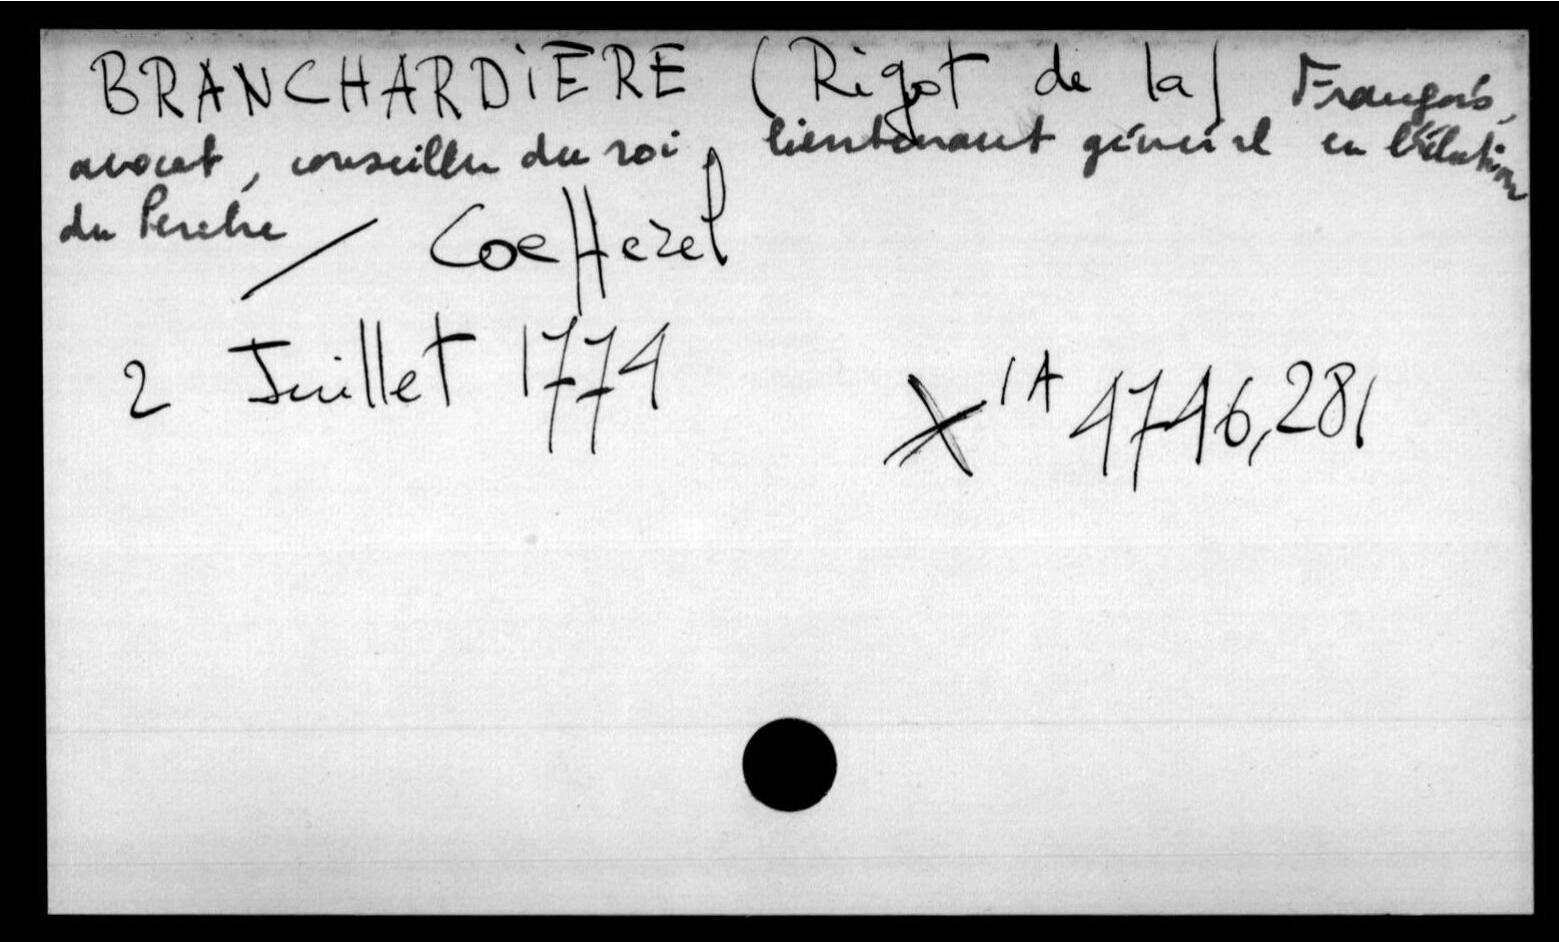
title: BRANCHARDIERE (Rigot de la) François, avocat, conseiller du roi lieutenant général en l'Élection du Perche
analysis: Contre Coefferel
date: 2 juillet 1774
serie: X1A
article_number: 4746
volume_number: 281
